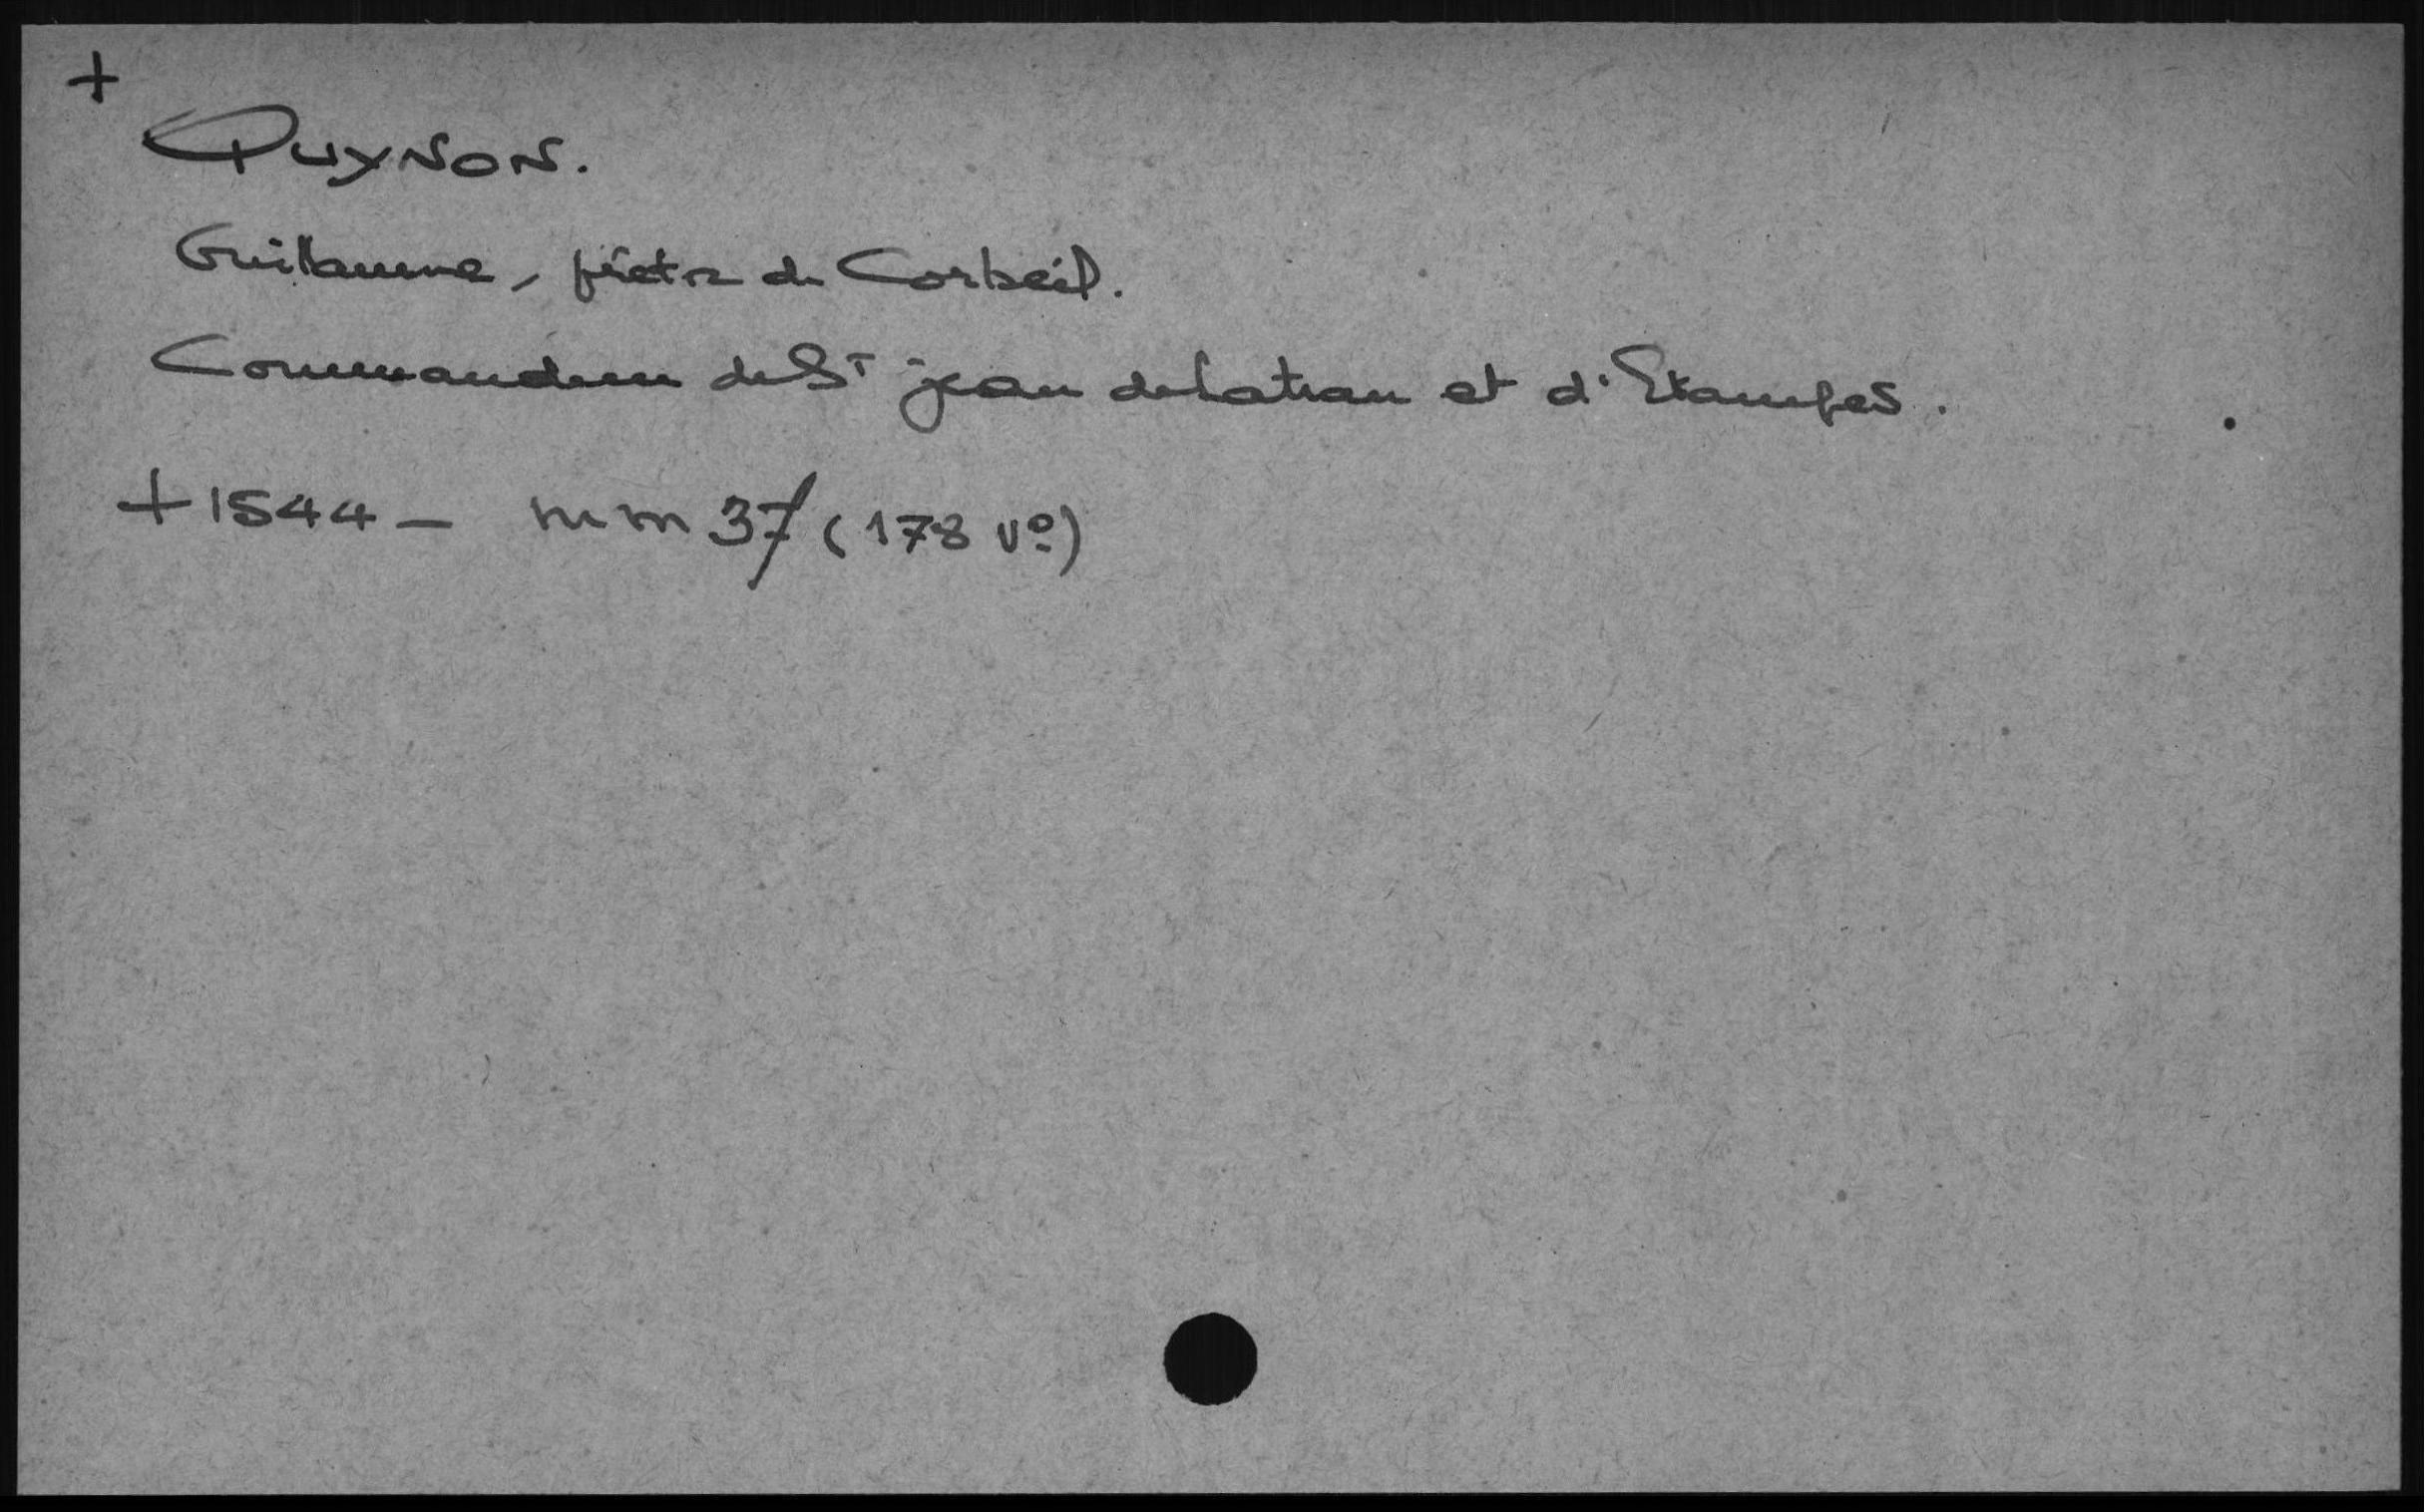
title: + QUYNON, Guillaume, prêtre de Corbeil, commandeur de Saint Jean de Latran et d'Etampes.
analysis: + 1544. MM 37 (178v)
